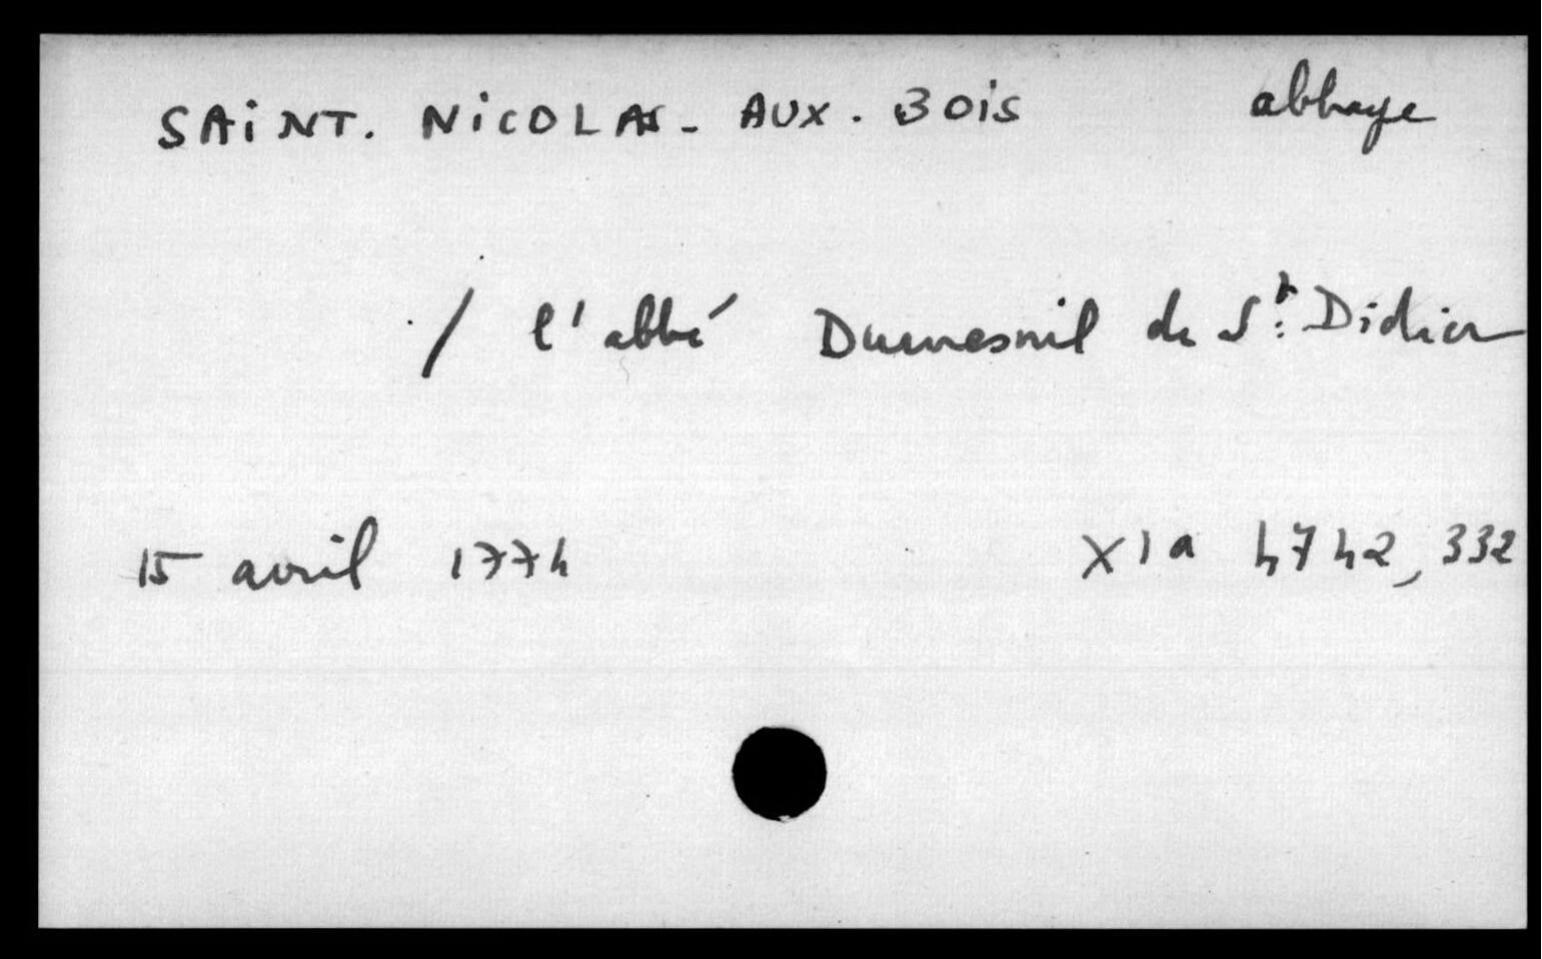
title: SAINT-NICOLAS-AUX-BOIS abbéye
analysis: Contre l'abbé Dumesnil de Saint-Didier
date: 15 avril 1774
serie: X1a
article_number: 4742
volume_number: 332
